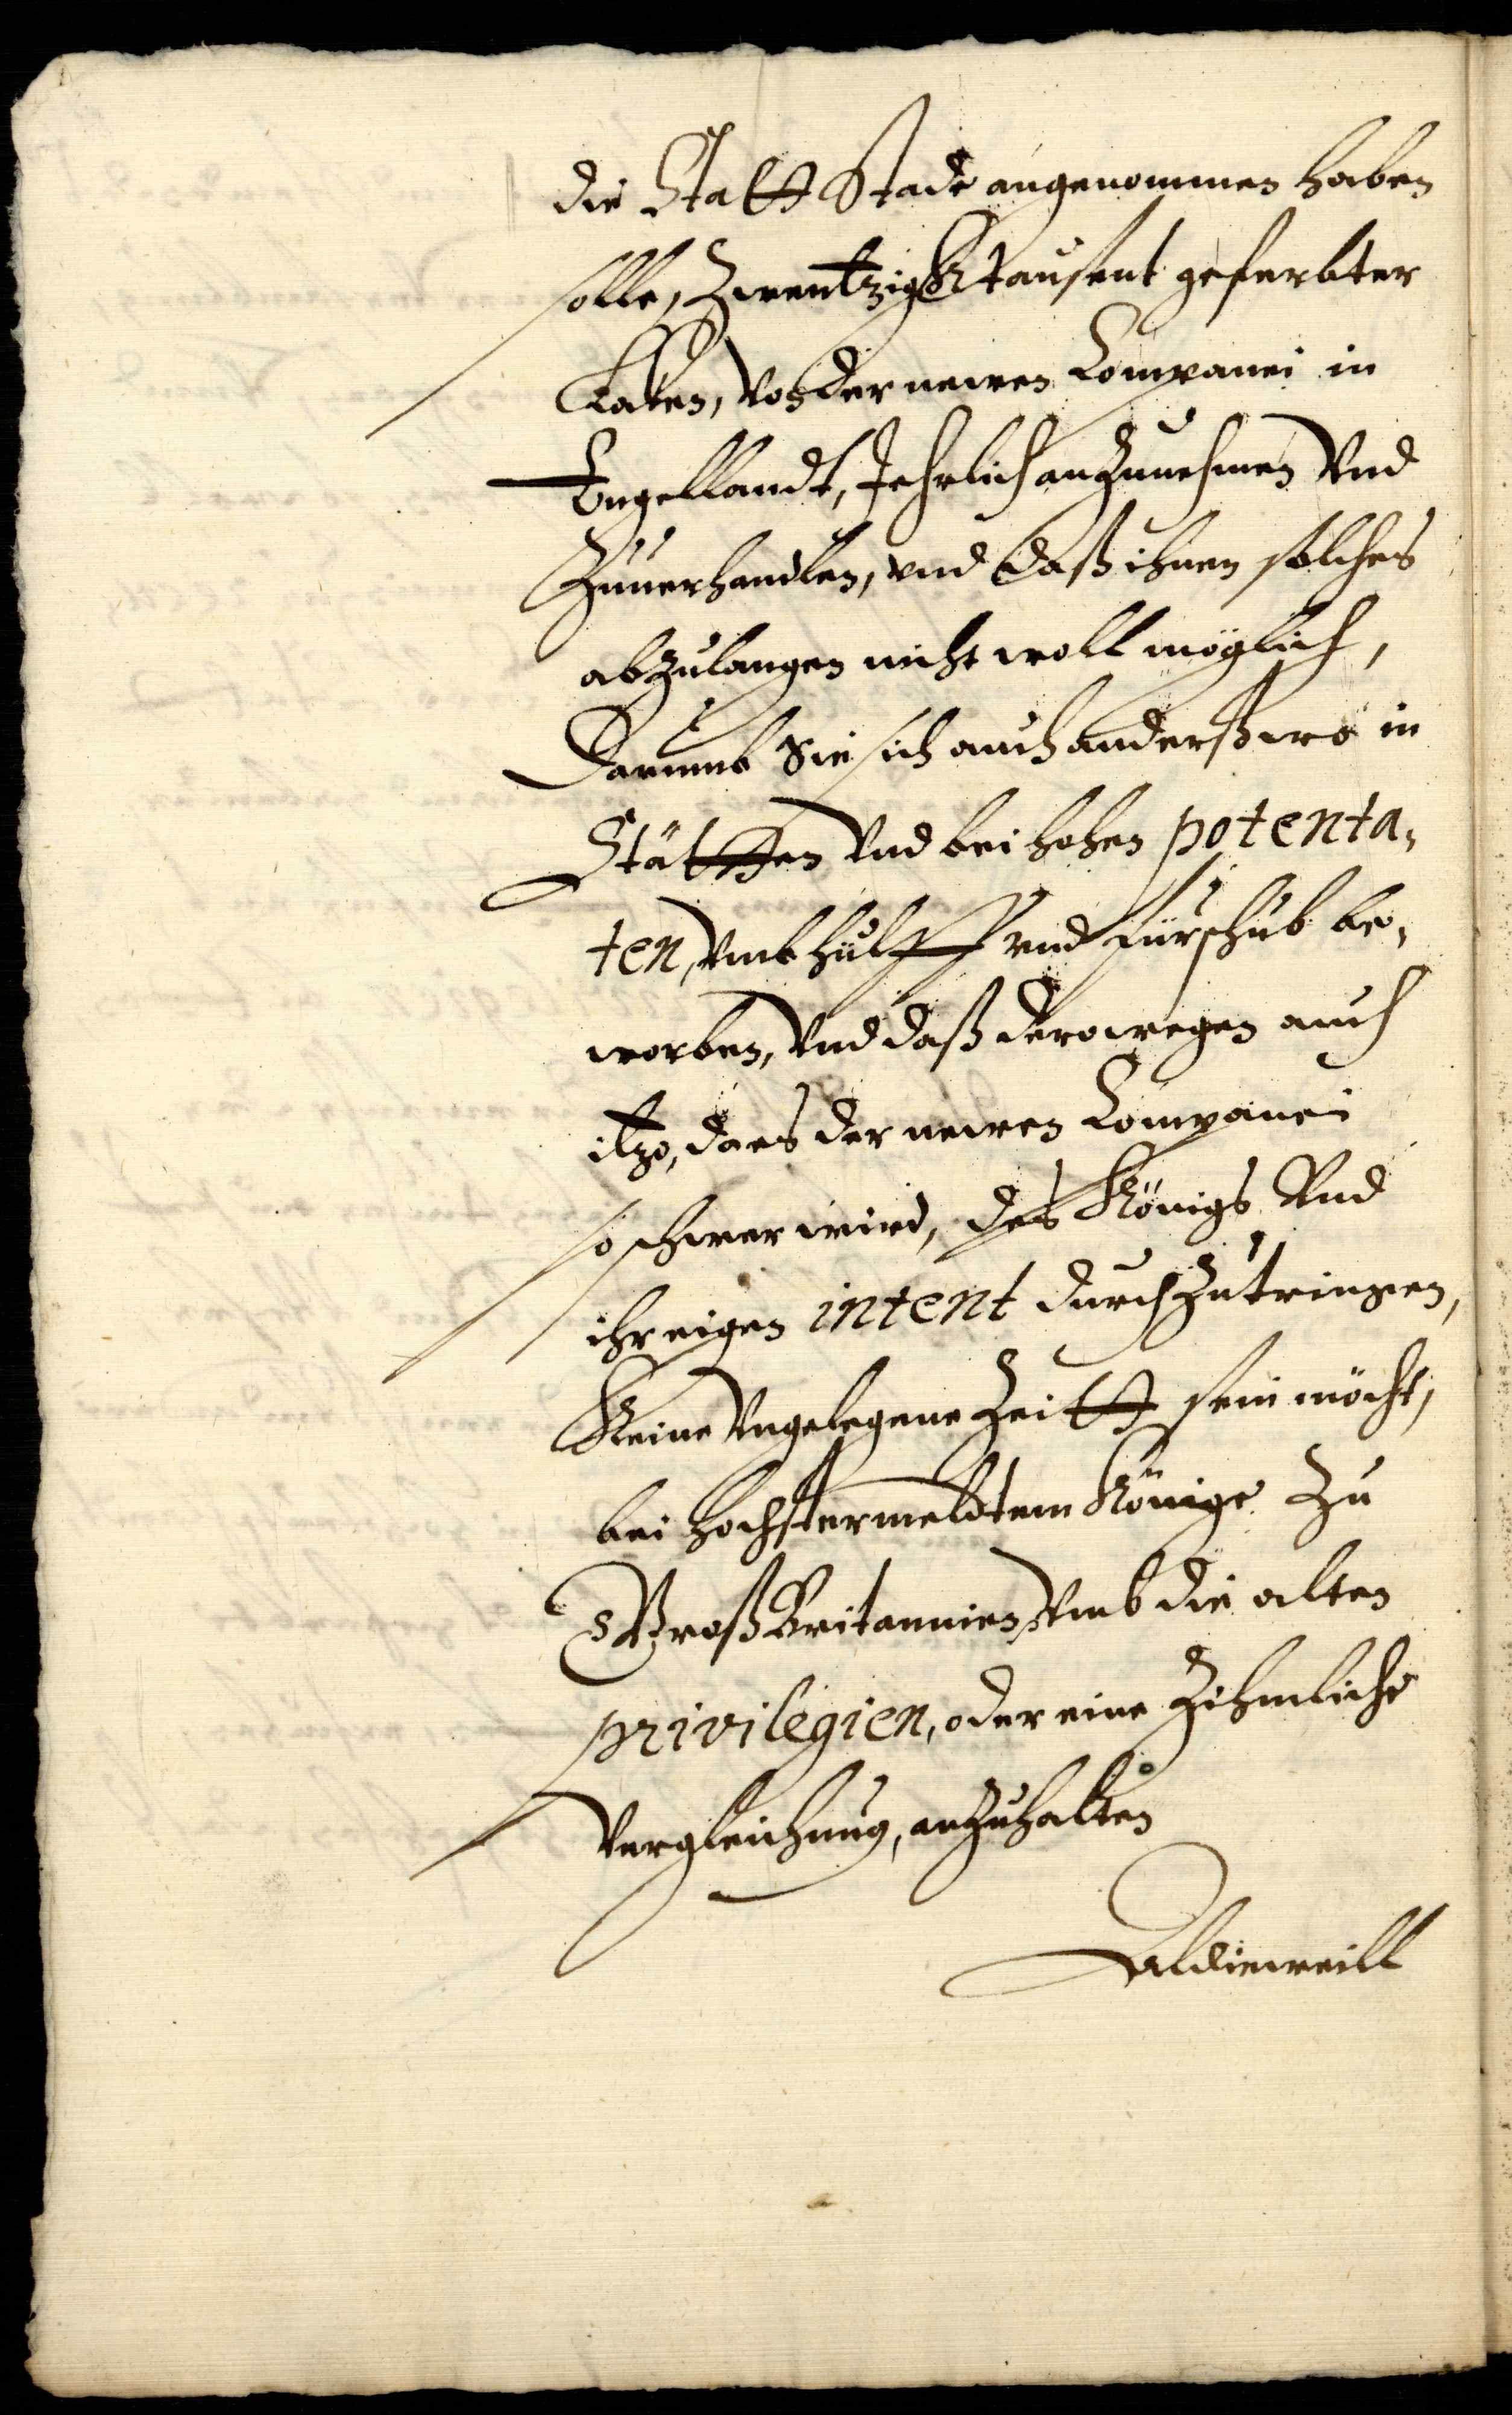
die Statt Stade angenommen haben
solle, Zwentzigk tausent geferbter
Laken, Von der newen Companei in
Engellandt, Jehrlich anzunehmen Vnd
Zuuerhandlen, vnd daß ihnen solches
abzulangen nicht woll möglich,
Darumb Sie sich auch anderßwo in
Stätten Vnd bei hohen potenta¬
ten, Vmb hülff vnd fürschub be¬
worben, Vnd daß derowegen auch
itzo, da es der newen Companei
so schwer wird, des Königs Vnd
ihr eigen intent durch Zutringen,
Keine Vngelegene Zeitt sein möcht,
bei hochstermeldtem Könige Zu
Groß Britanien Vmb die alten
privilegien, oder eine Zihmliche
Vergleichung, anzuhalten
Aldieweill
